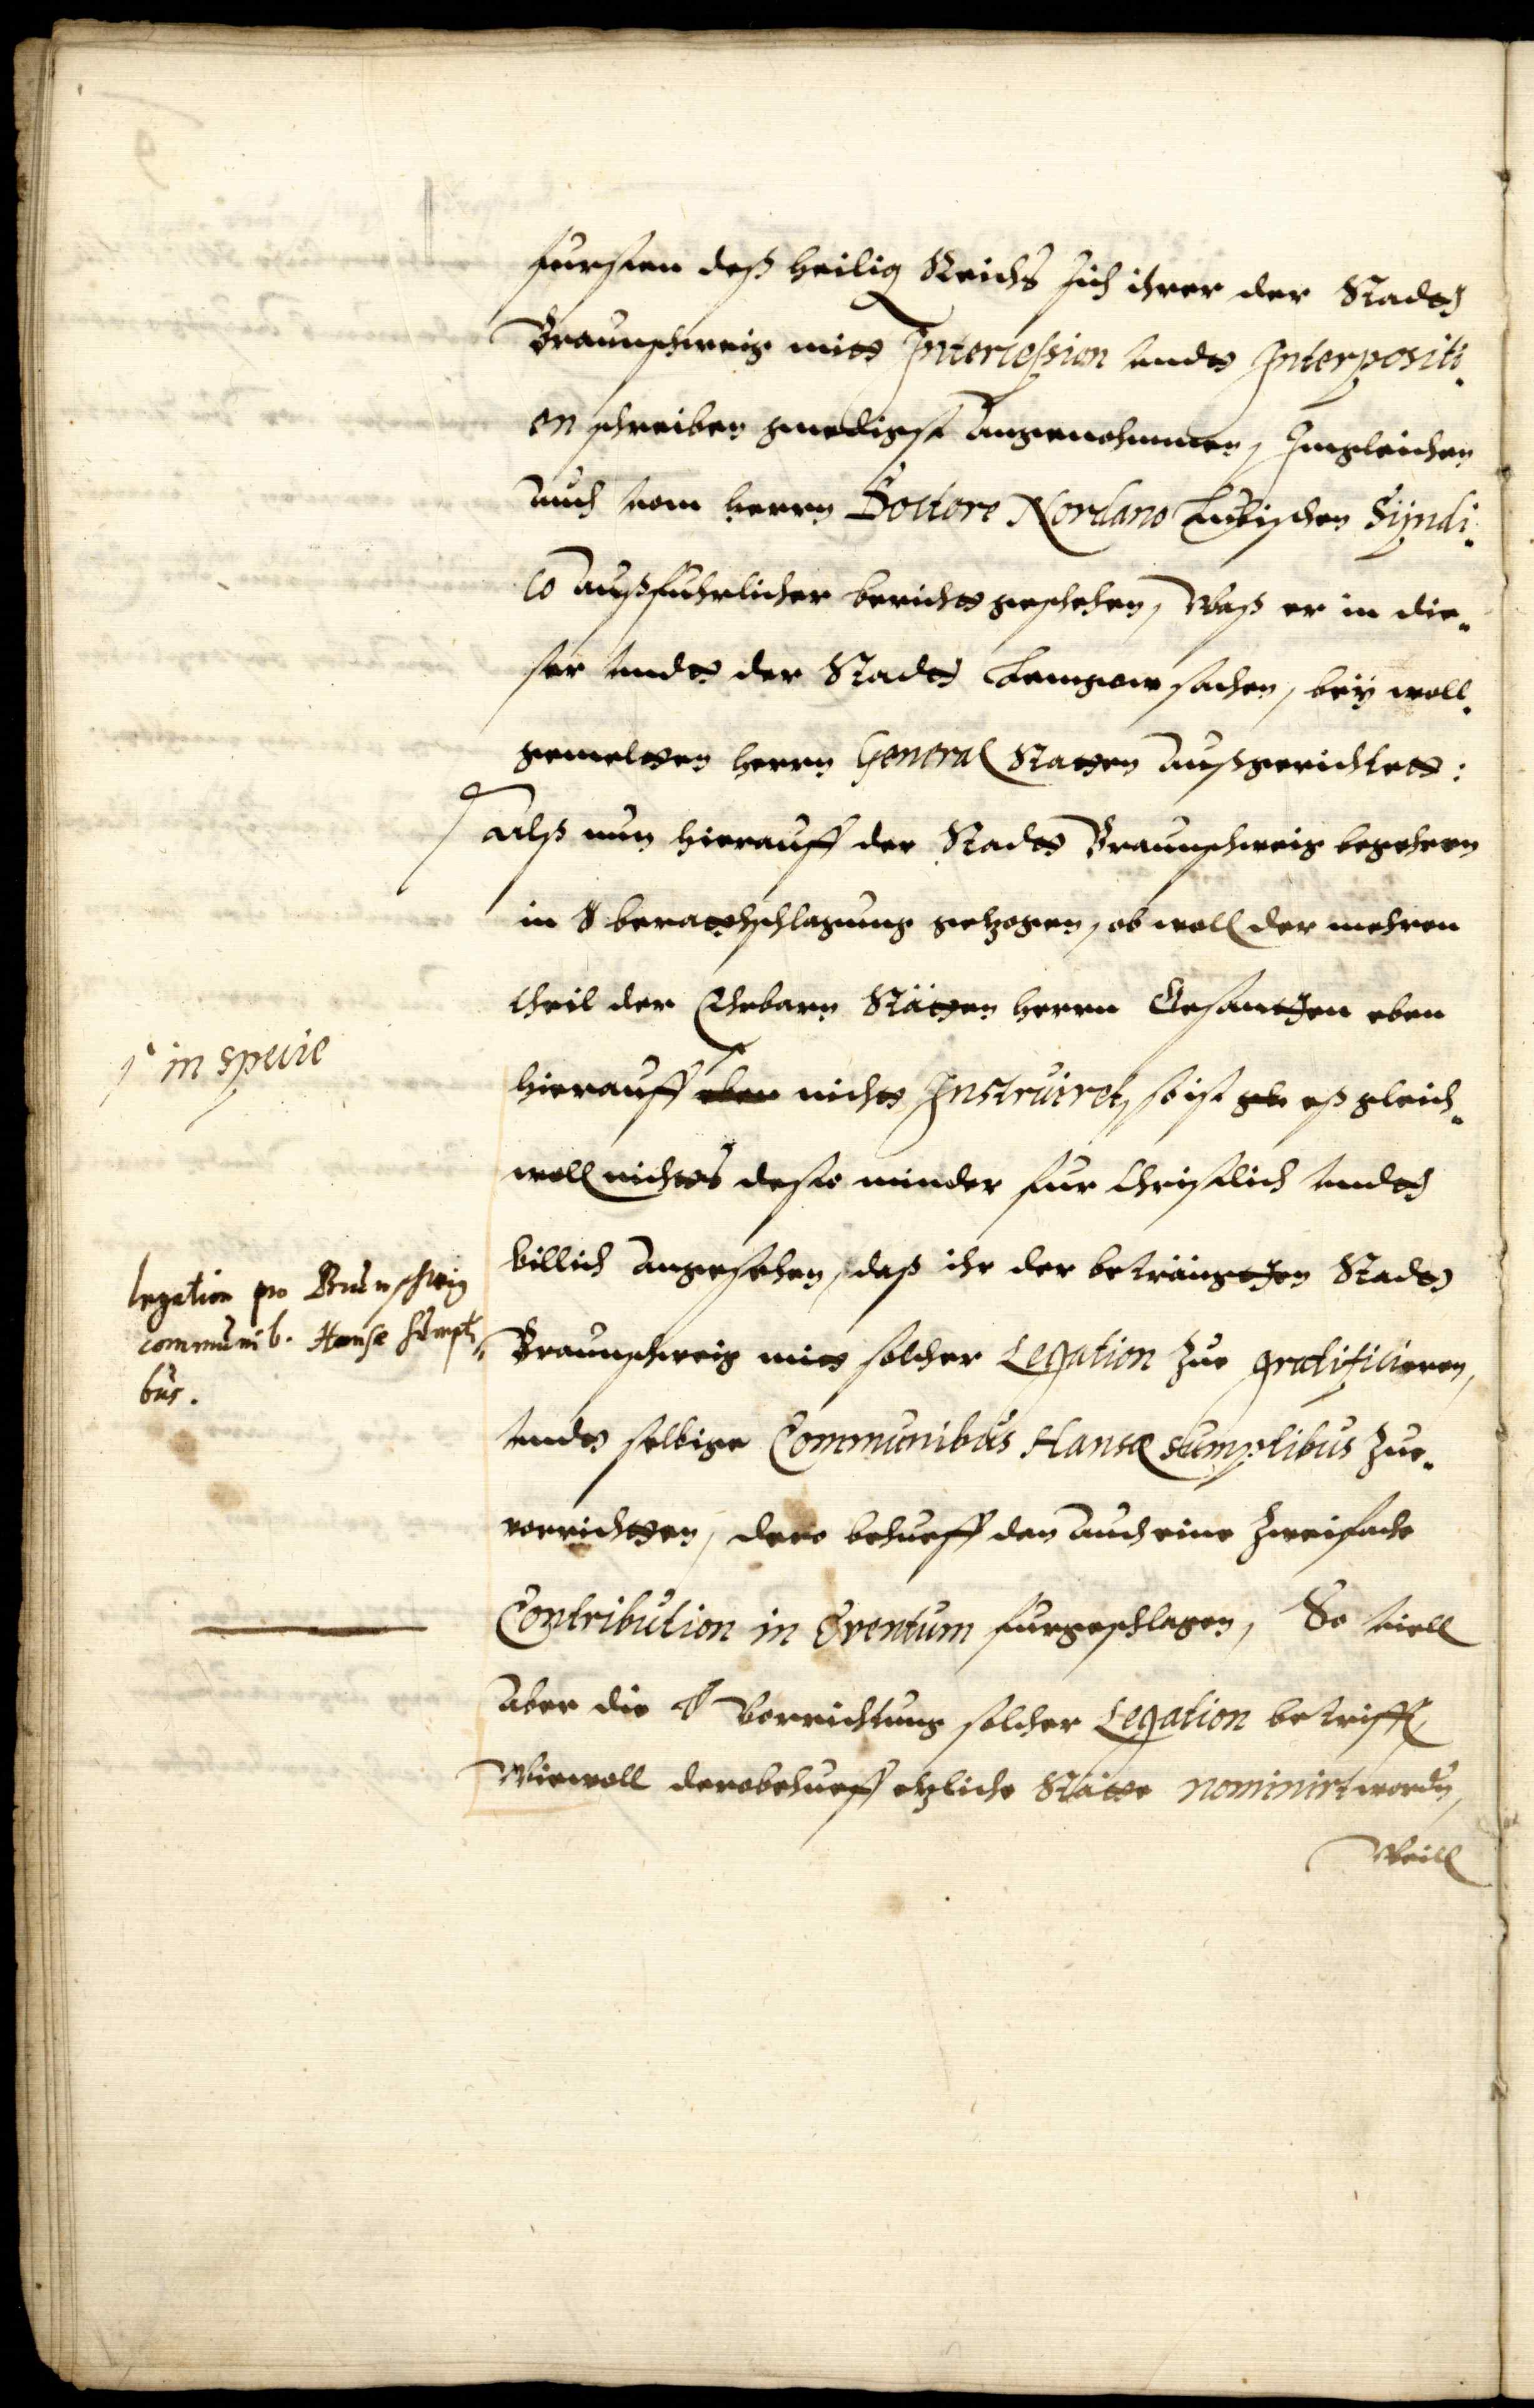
fursten deß heiligen Reichs sich ihrer der Stadtt
Braunschweig mitt Intercession vndtt Interpositi¬
on schreiben gnedigest angenohmmen, Imgleichen
auch vom Herrn Doctore Nordano Lubischen Sijndi¬
co außführlicher berichtt geschehen, Waß er in die¬
ser vndtt der Stadtt Lemgow sachen, beij woll¬
gemeltten herrn General Statten Außgerichtett:
Alß nun hierauff der Stadtt Braunschweig begehren
in S beratthschlagung getzogen, ob woll der mehren
theil der Ehrbarn Stätten herrn Gesantten eben
hierauff | aber nicht Instruiret, so ist gl eß gleich¬
woll nichtts desto minder fur Christlich vndtt
billig angesehen, daß ihr der beträngtten Stadtt
Braunschweig mitt solcher Legation zue gratificieren
vndtt selbige Communibus Hansae sumptibus zue¬
vorrichten, dero behueff dan auch eine Zweifache
Contribution in Eventum furgeschlagen, So viell
aber die S Vorrichtung solcher Legation betrifft,
Wiewoll derobehueff etzliche Stätte nominirt worden,
Weill
| in specie
legation pro Brunschwig
communib. Hanse sumpti¬
bus
